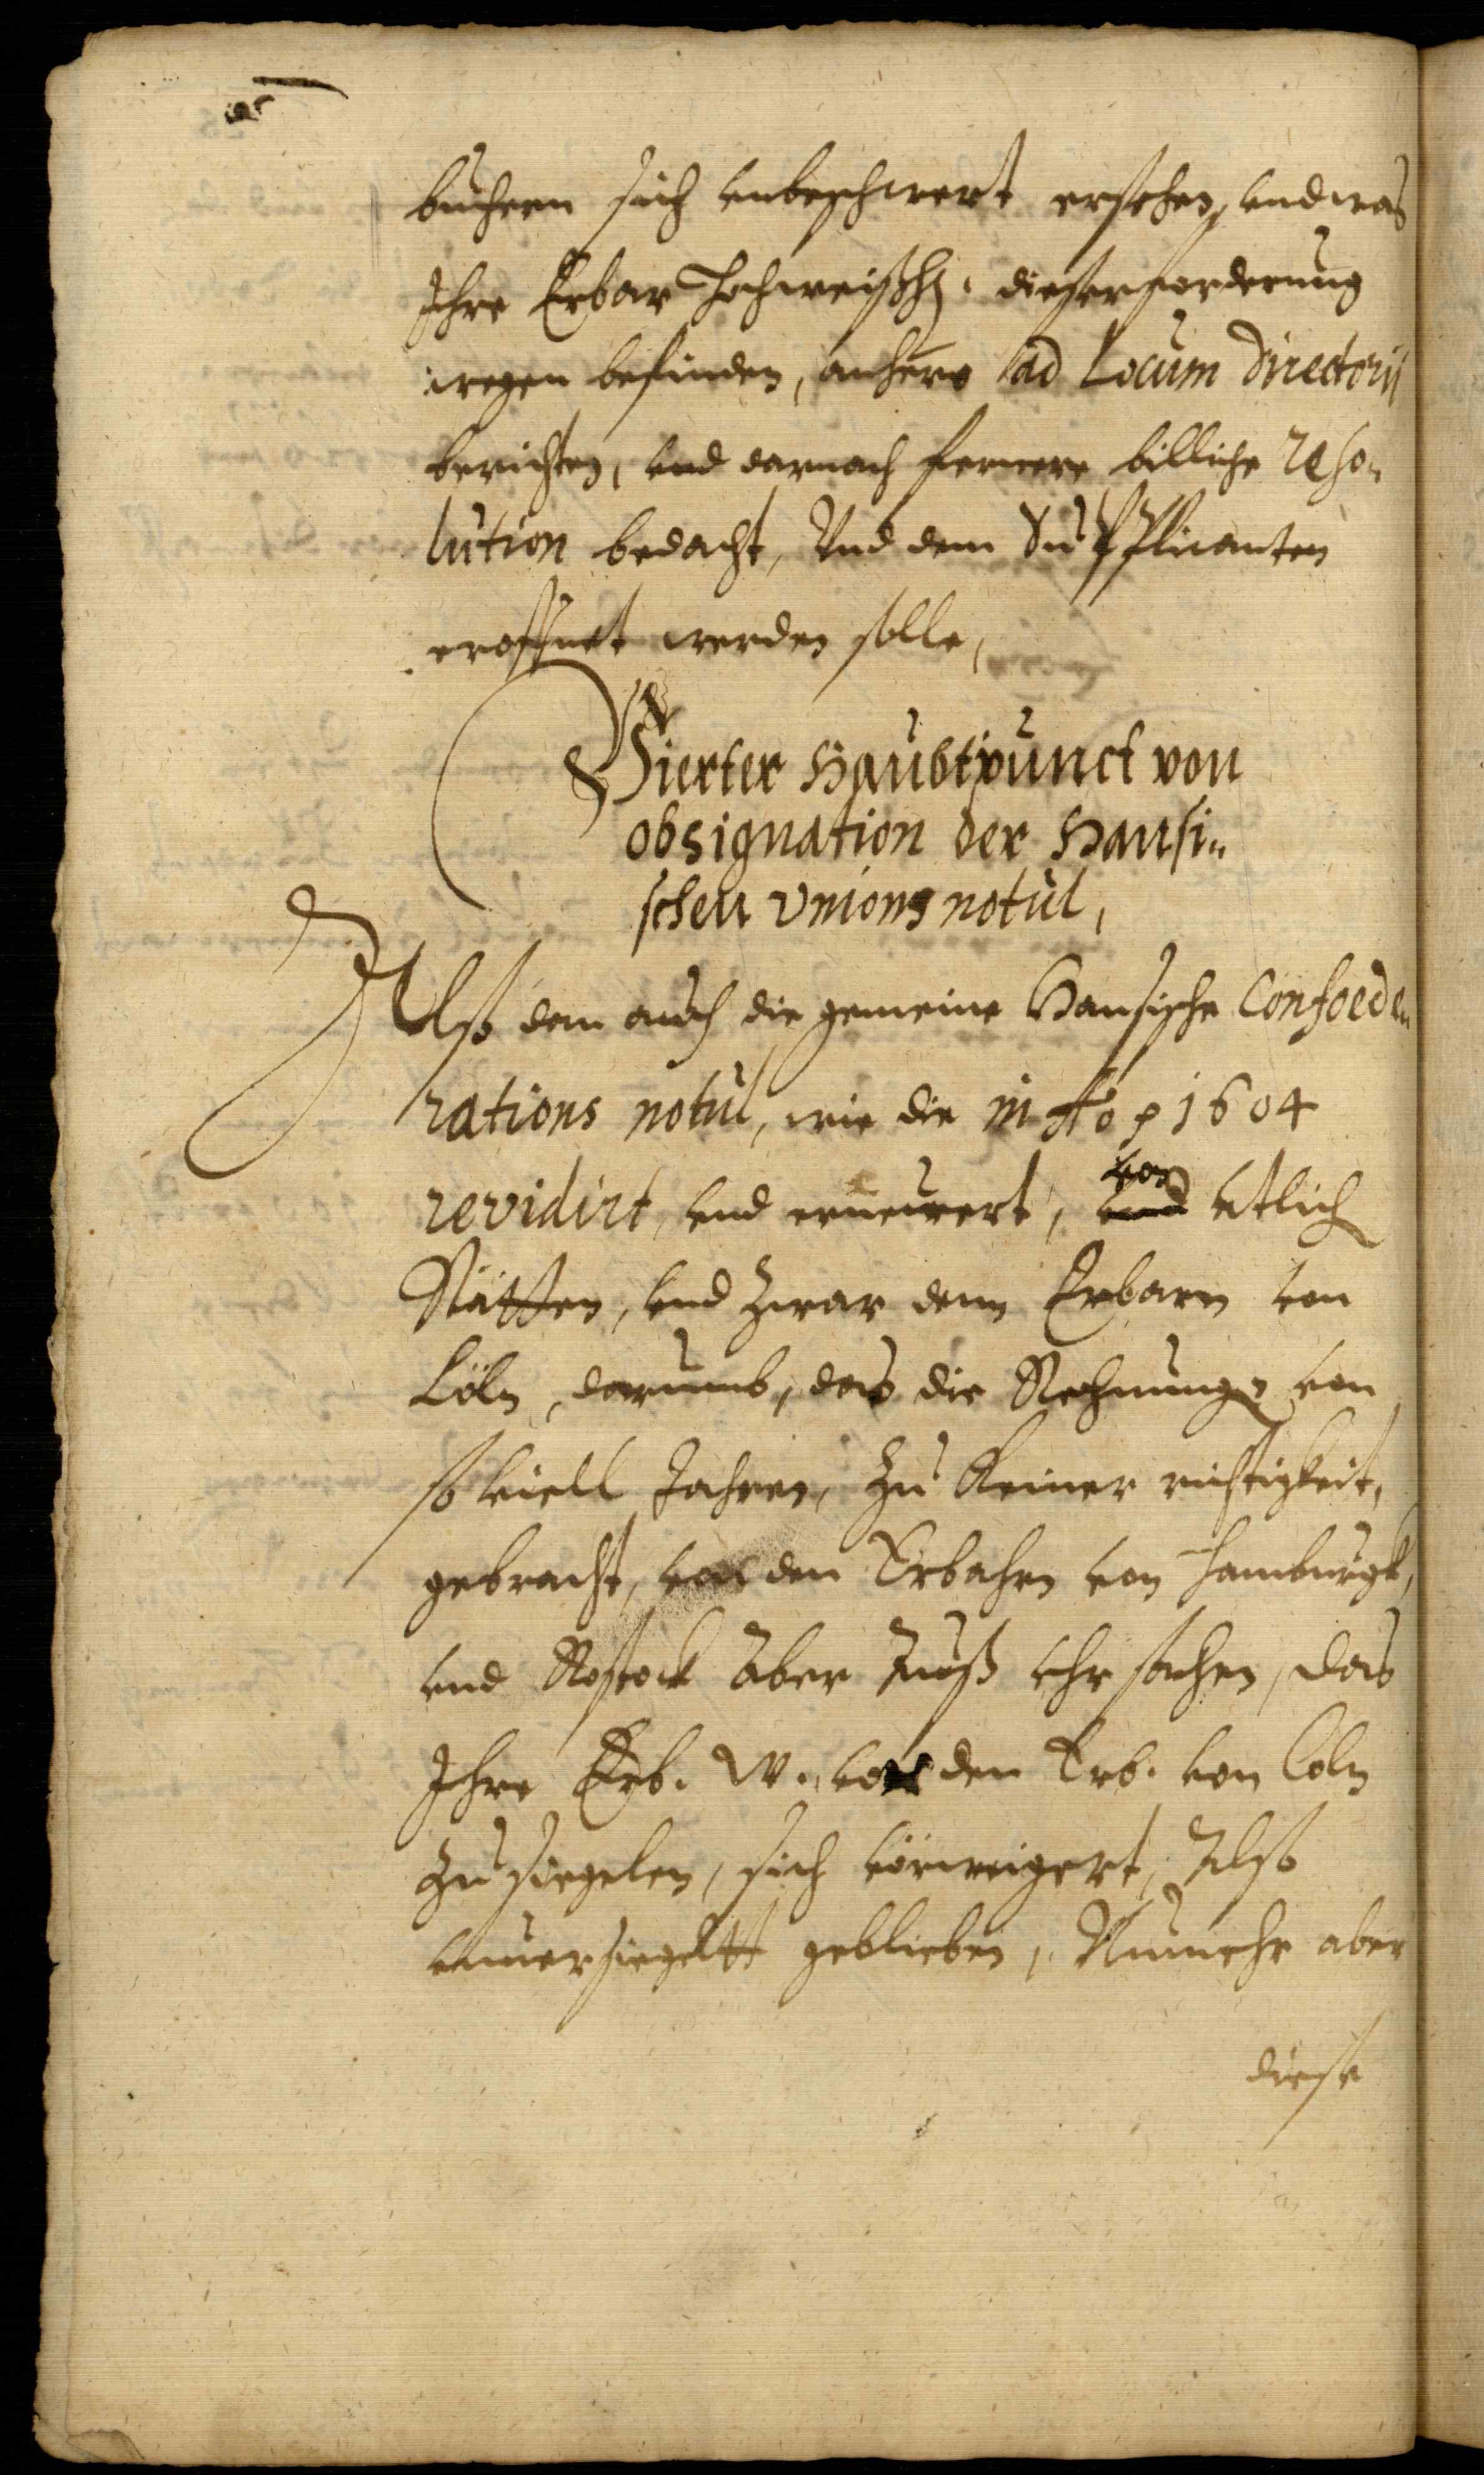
buchern sich vnbeschweret ersehen vnd was
Ihre Erbar Hochweißheit, dieser Forderung
wegen befinden, anhero ad Locum directorii
berichten, vnd darnach fernere billiche reso¬
lution bedacht, vnd dem supplicanten
eroffnet werden solle,
Vierter Hauptpunct von
obsignation der Hansi¬
schen unions notul,
Alß dan auch die gemeine Hansische Confoede¬
rations notul, wie die in Ao p 1604
revidirt, vnd erneuerert, von vnd etlichen
Stätten, vnd zwar denn Erbarn von
Cöln, darumb, das die Rechnungen von
so viell Jahren, zu keiner richtigkeit,
gebracht, von den Erbarn von hamburgk
vnd Rostock Aber Auß vhrsachen, das
Ihro Erb. W., von den Erb. von Coln
zu siegelen, sich vörweigert, Also
vnuorsiegeltt geblieben, Numehr aber
diese
